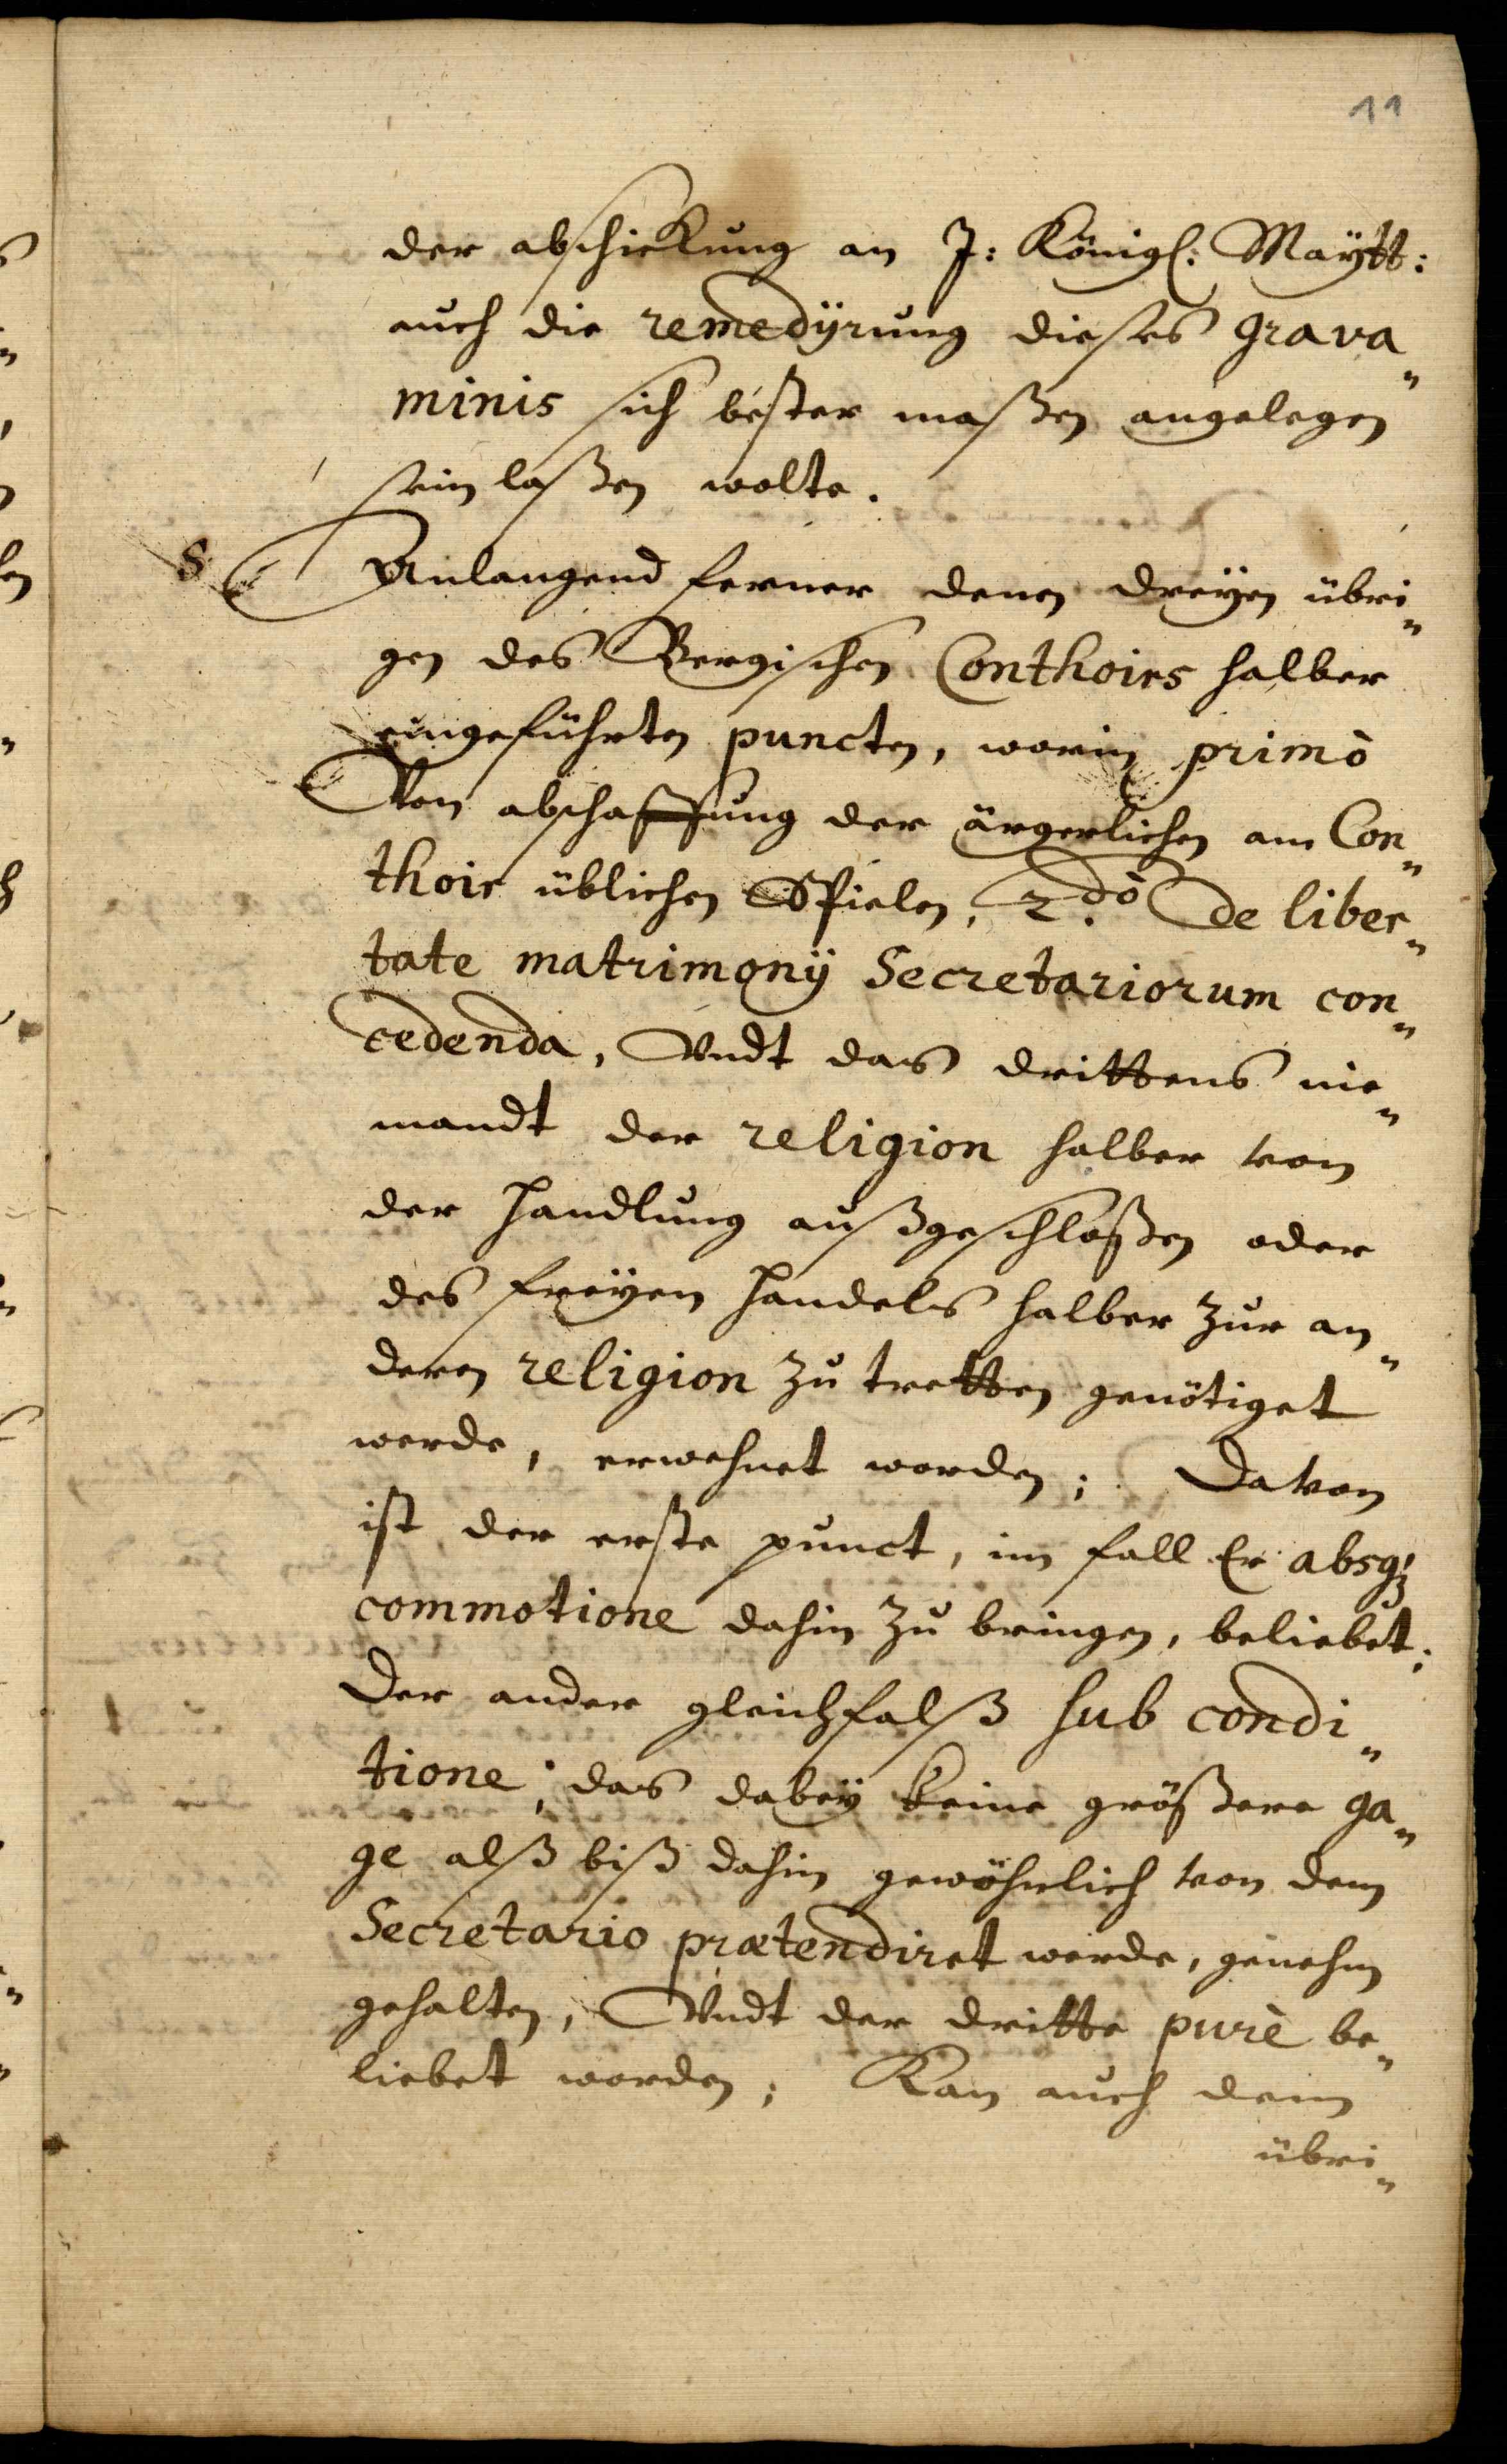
der abschickung an J: Königl: Maijtt:
auch die remedijrung dieses grava¬
minis sich bester maßen angelegen
sein laßen wolte.
Anlangend ferner denen dreijen übri¬
gen des Bergischen Conthoirs halber
eingeführten puncten, worin primo
Von abschaffung der ärgerlichen am Con¬
thoir üblichen Spielen, 2.do de liber¬
tate matrimonij Secretariorum con¬
cedenda, vndt das drittens nie¬
mandt der religion halber von
der handlung außgeschloßen oder
des freyen handels halber zur an¬
deren religion zu tretten genötiget
werde, erwehnet worden; Davon
ist der erste punct, im fall Er absque
commotione dahin zu bringen, beliebet;
der ander gleichfalß sub condi¬
tione, das dabeij keine größere ga¬
ge alß biß dahin gewöhnlich von dem
Secretario praetendiret werde, genehm
gehalten, Vndt der dritte pure be¬
liebet worden; Kan auch dem
übri¬
